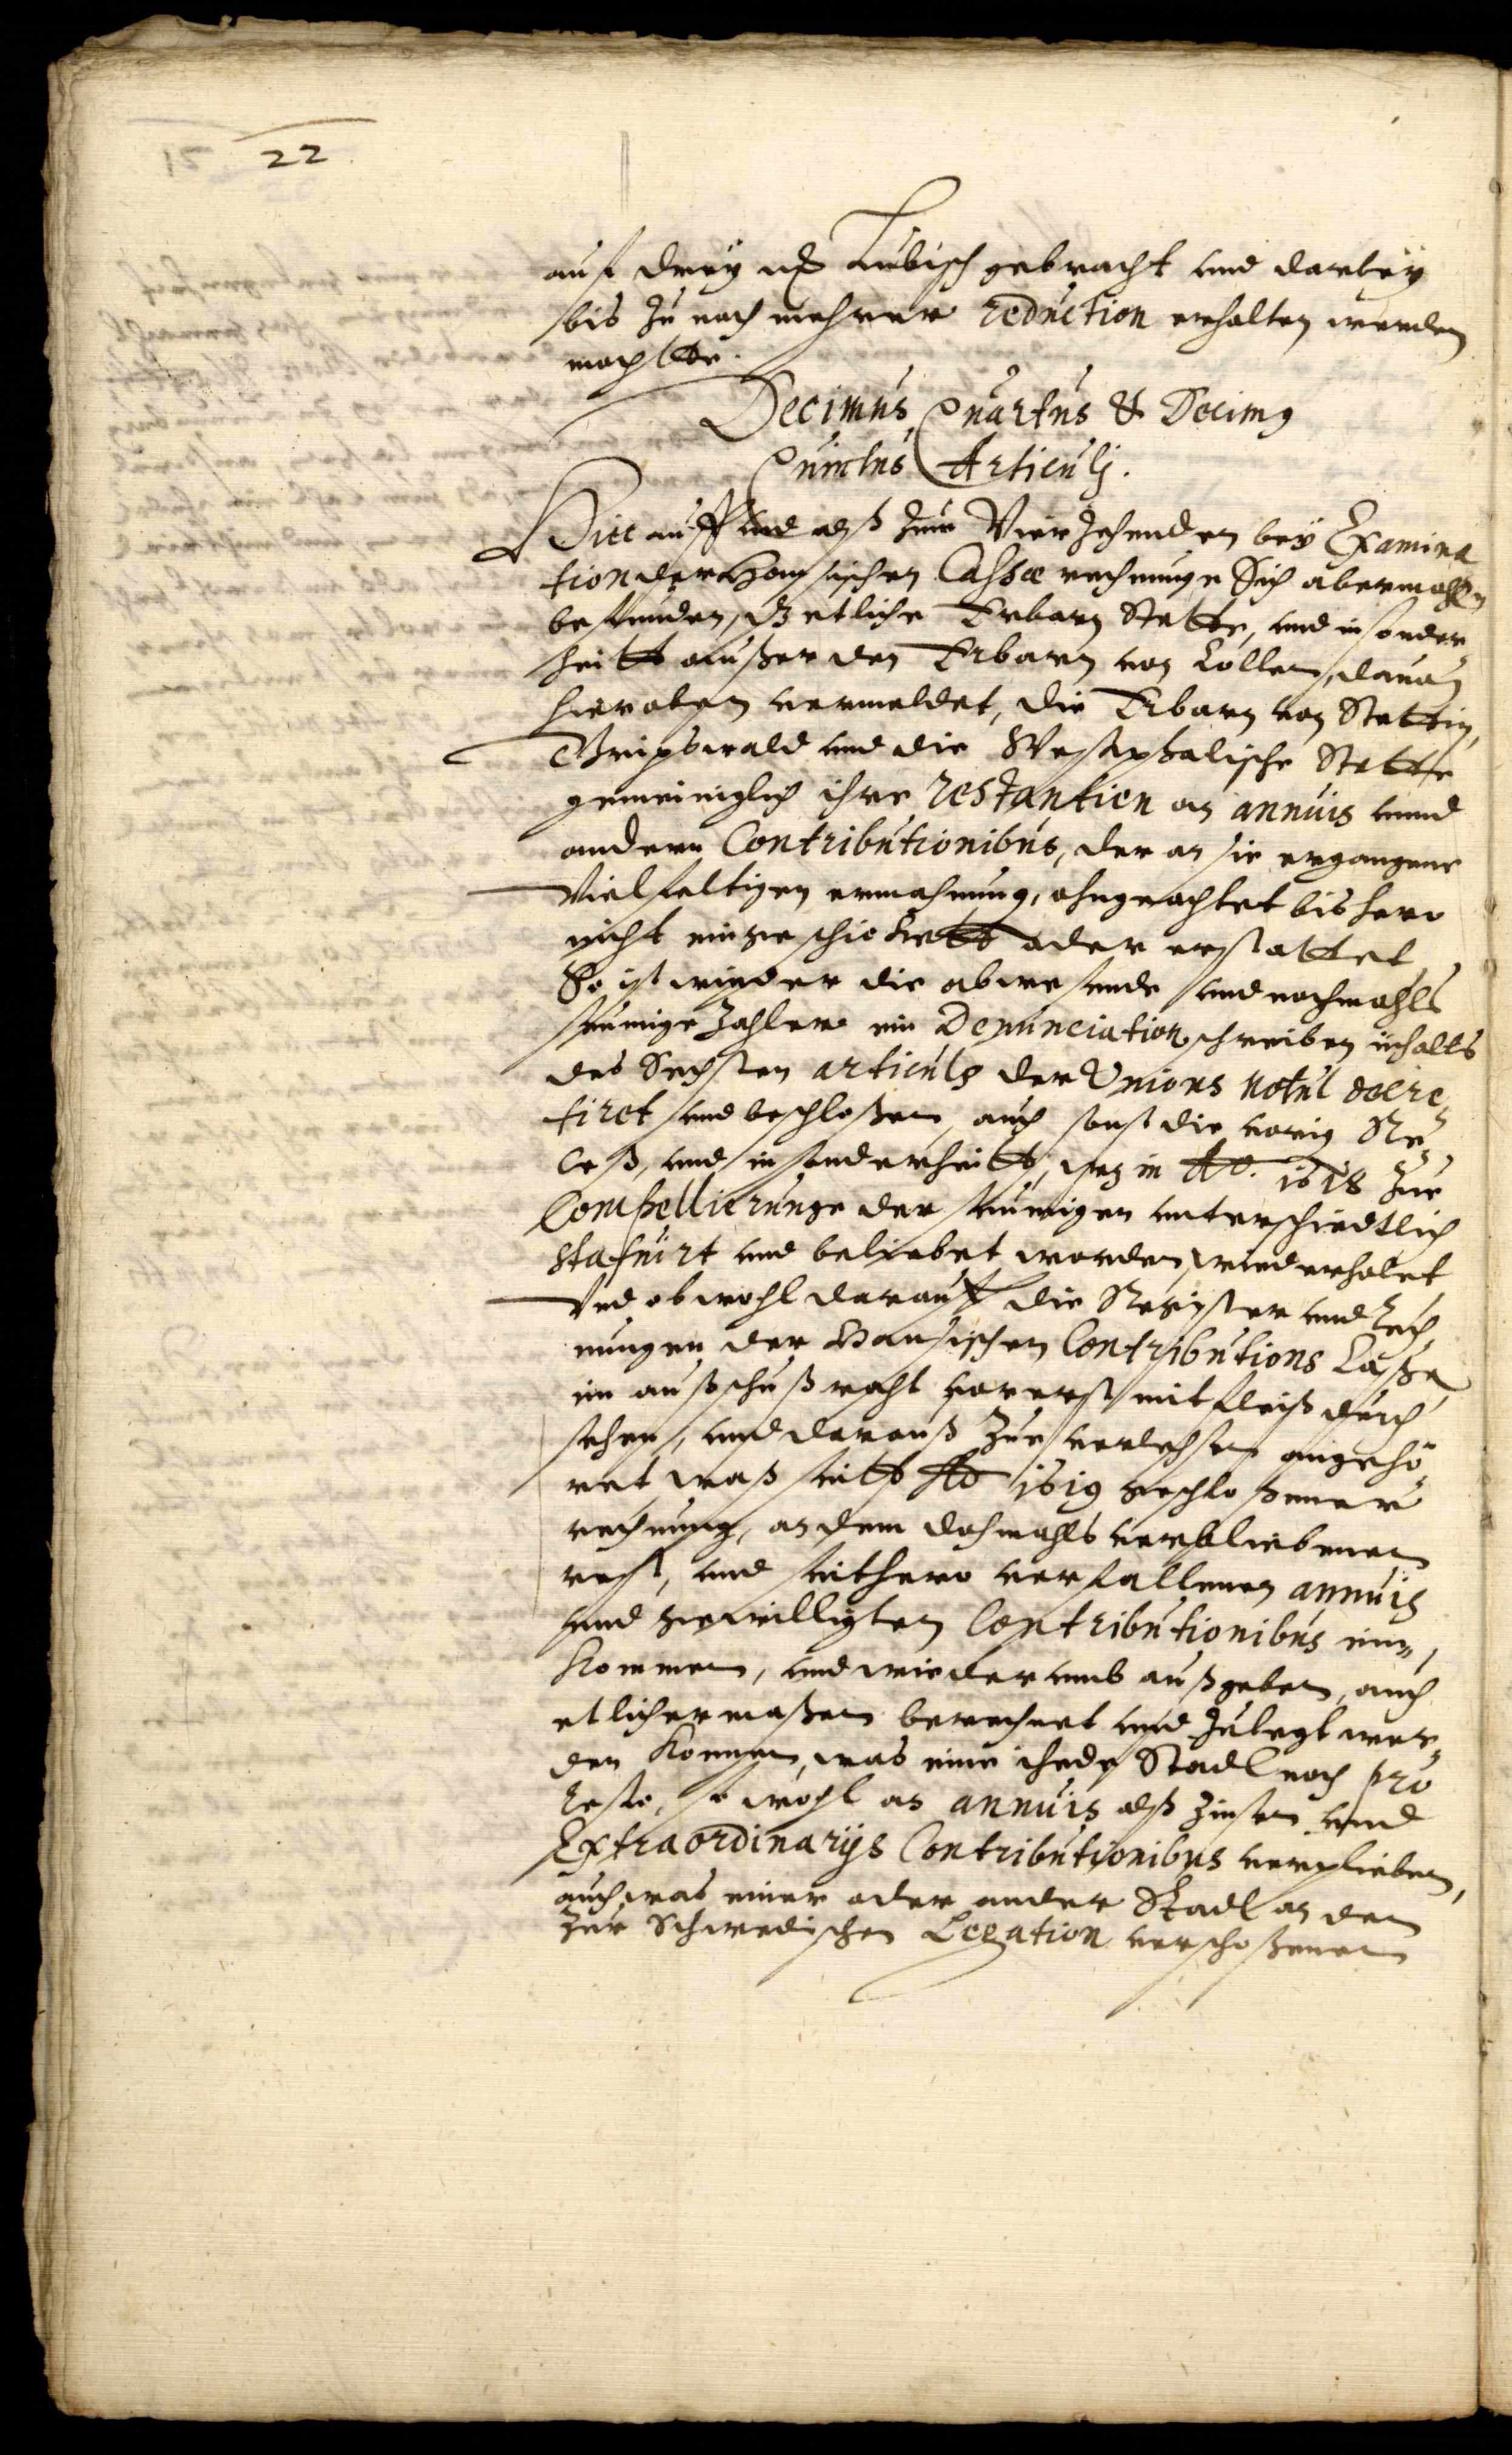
22
auf dreij m₰ Lubisch gebracht vnd darbeij
bis Zu nach mehrer reduction erhalten werden
mochtte.
Decimus quartus & Decimus
Quintus Articulj.
Hierauff vnd als zum VierZehnden beij Examina
tion der Hansischen Cassa rechnunge Sich abermahln
befunden dz etliche Erbarn Stette, vnd in sonder¬
heitt außer den Erbarn von Collen, dauon
hieroben vermeldet, die Erbarn von Stettin,
Gripswald vnd die Westphalische Stette
gemeiniglich ihre restantien an annuis vnnd
andere Contributionibus, der an sie ergangene
Vielfeltigen ermahnung, ohngeachtet bishero
nicht eingeschickett oder erstattet,
So ist wieder die abwesende vnd nochmahls
seumige Zahler ein Denunciationschreiben inhalts
des Sechsten articuls der Vnions notul decre¬
tiret vnd beschloßen, auch sonst die vorigen Re¬
ceß, vnd in sonderheitt, wz in Aō. i6i8 Zue
Compellierunge der seumigen vnterschiedtlich
statuirt vnd beliebet worden, wiederholet,
Vnd obwohl darauff die Register vnd rech¬
nungen der Hansischen Contributions Caße
im außschuß raht vorerst mit fleiß durch
sehen, vnd darauß Zue verlehsen angehö¬
ret waß seitt Aō i6i9 geschloßener
rechnung, an dem dahmahls verbliebenen
rest, vnd seithero verfallenen annuis
vnd gewilligten Contributionibus ein¬
kommen, vnd wiedervmb außgeben, auch
etlichermaßen berechnet vnd zulegt wer¬
den kommen, was eine ihede Stadt noch pro
resto, sowohl an annuis alß Zinsen vnd
Extraordinarijs Contributionibus verplieben,
auch was einer oder ander Stadt an den
zur Schwedischen Legation verschoßenen
